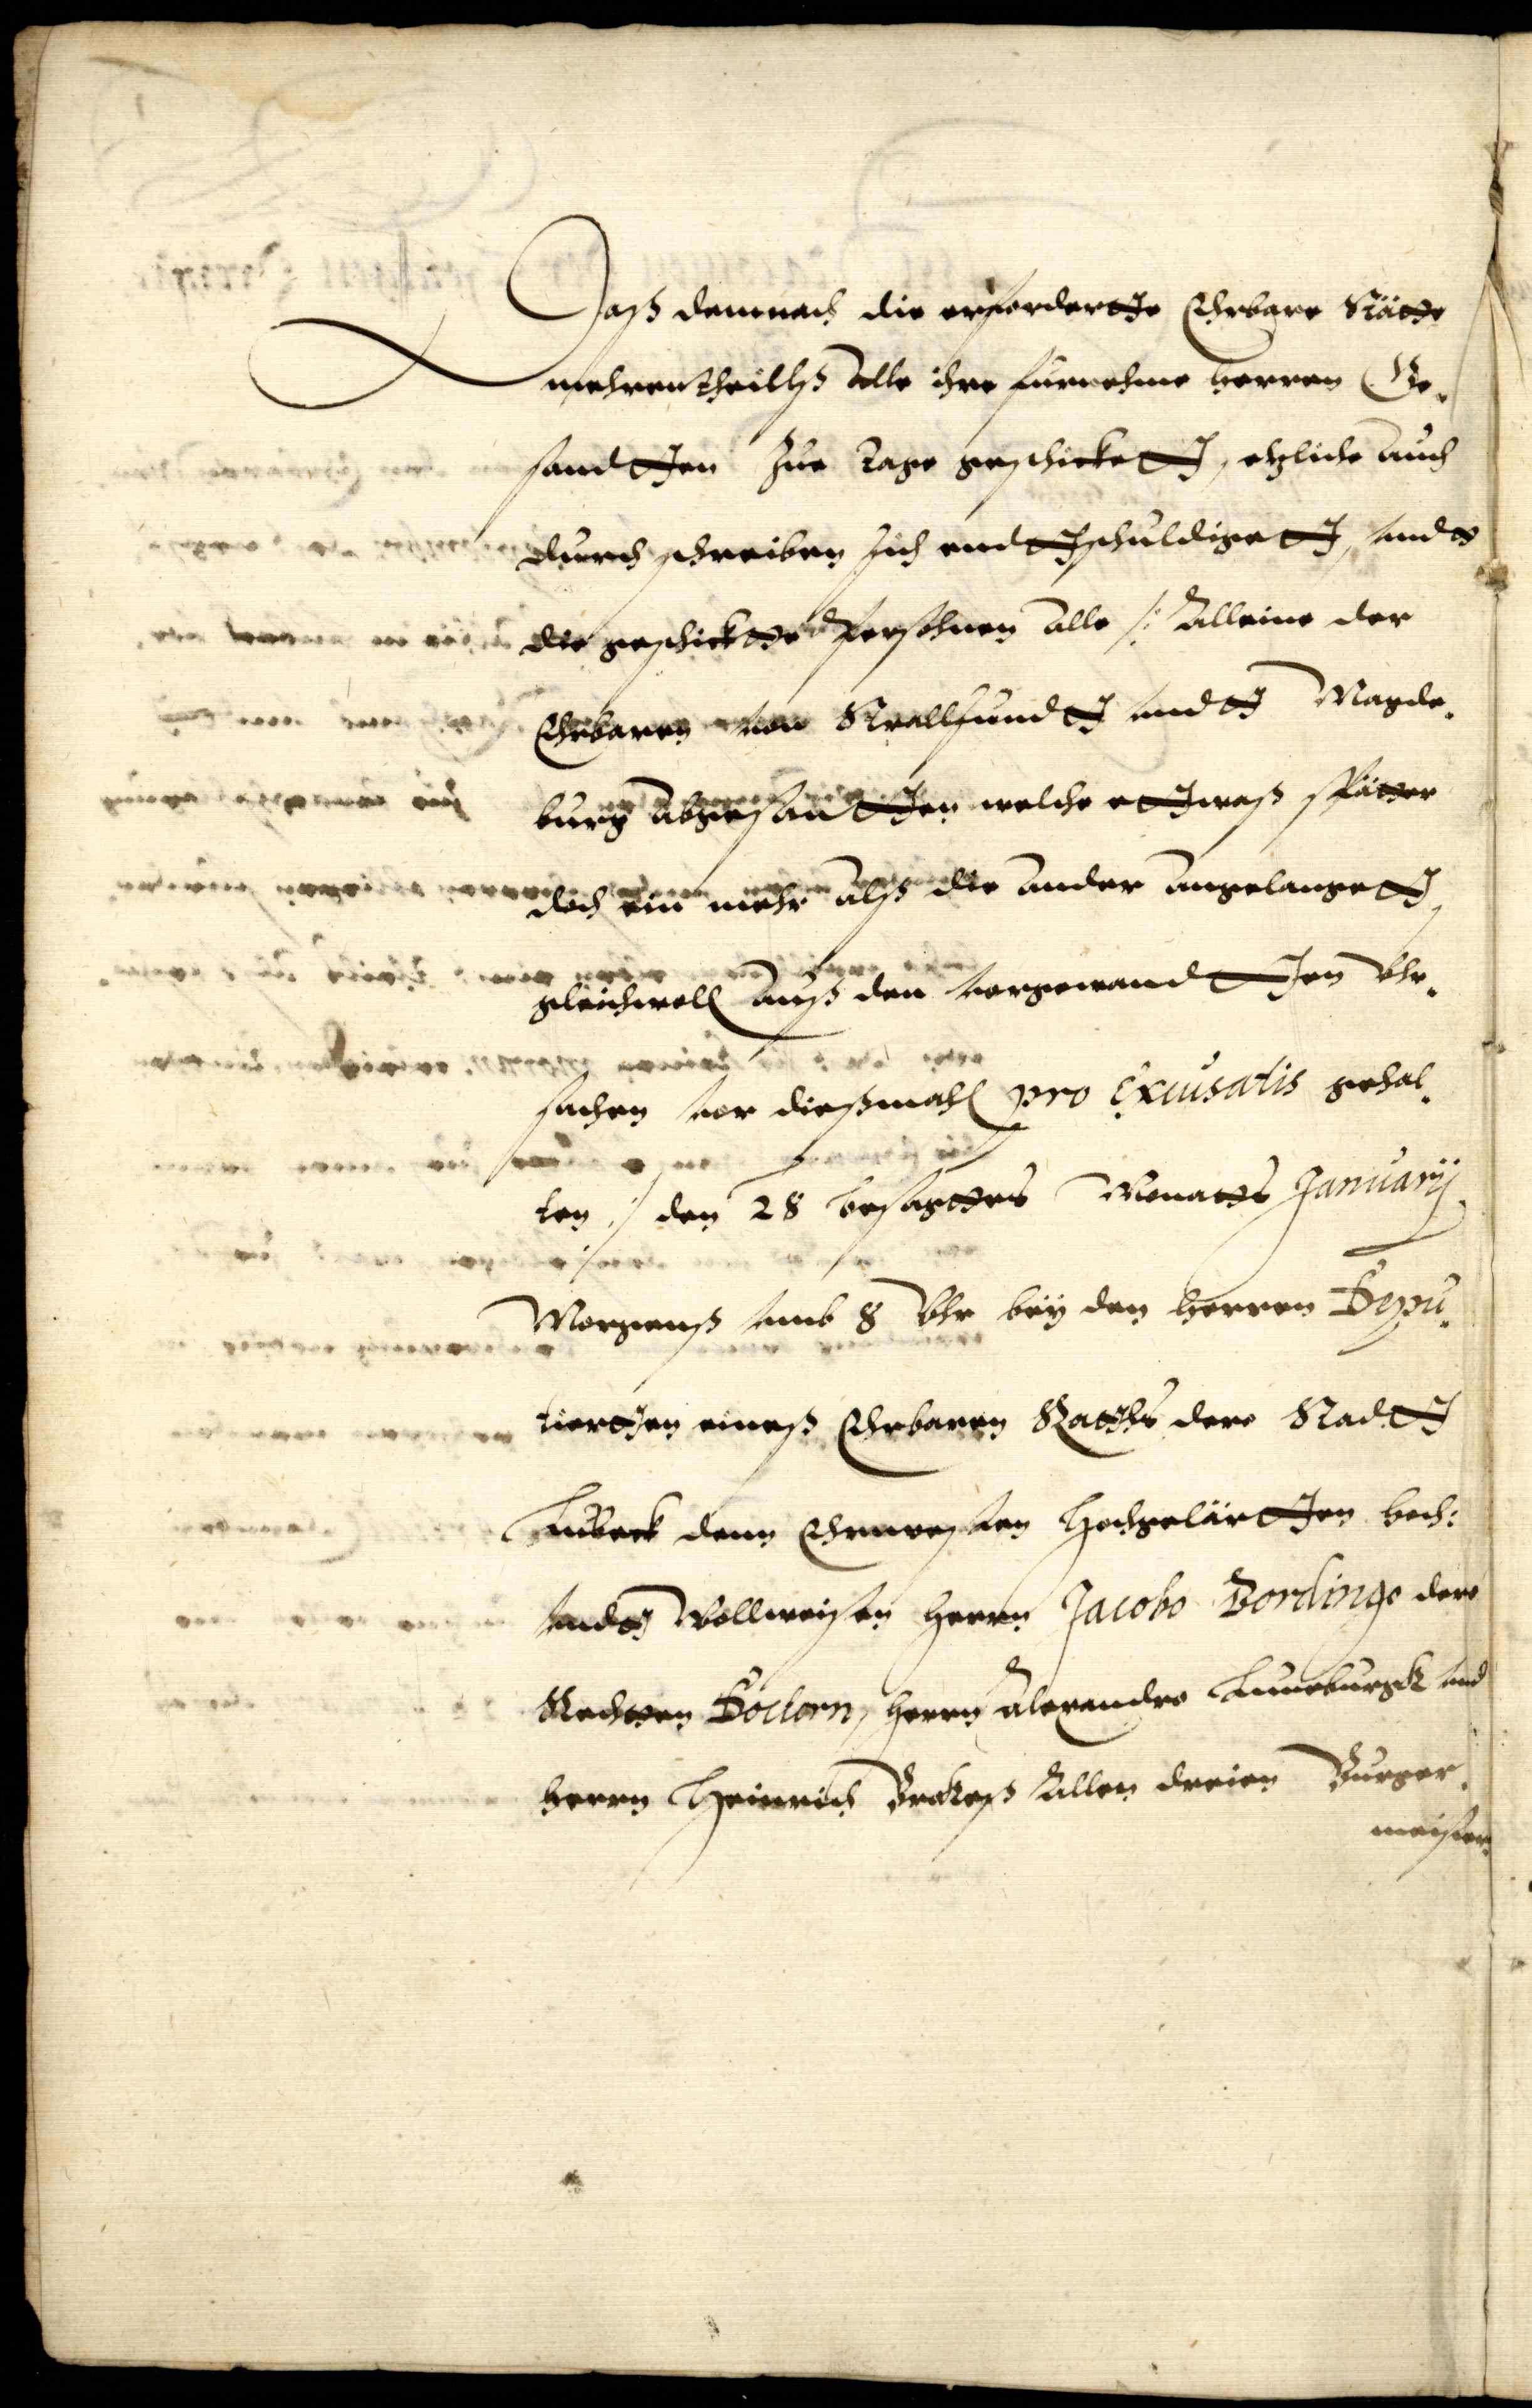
Daß demnach die erfordertte Ehrbare Stätte
mehrentheillß alle ihre furnehme Herren Ge¬
sandtten Zue Tage geschickett, etzliche auch
durch schreiben sich endttschuldigett, vndtt
die geschickte Persohnen alle /: Alleine der
Ehrbaren von Strallsundtt vndtt Magde¬
burg Abgesantten welche ettwaß spätter
doch ein mehr Alß die Ander Angelangett,
gleichwoll Auß den vorgewandtten Vhr¬
sachen vor dießmahl pro Excusatis gehal¬
ten :/ den 28 besagttes Monatts Januarij
Morgenß vmb 8 Vhr beij den Herren Depu¬
tiertten eineß Ehrbaren Ratths dero Stadtt
Lubeck deme Ehrenvesten Hochgelärtten Hoch:
vndtt Wollweisen Herrn Jacobo Bordingo dero
Rechtten Doctorn, Herrn Alexandro Luneburgk vnd
Herrn Heinrich Brokes Allen dreien Burger¬
meister
